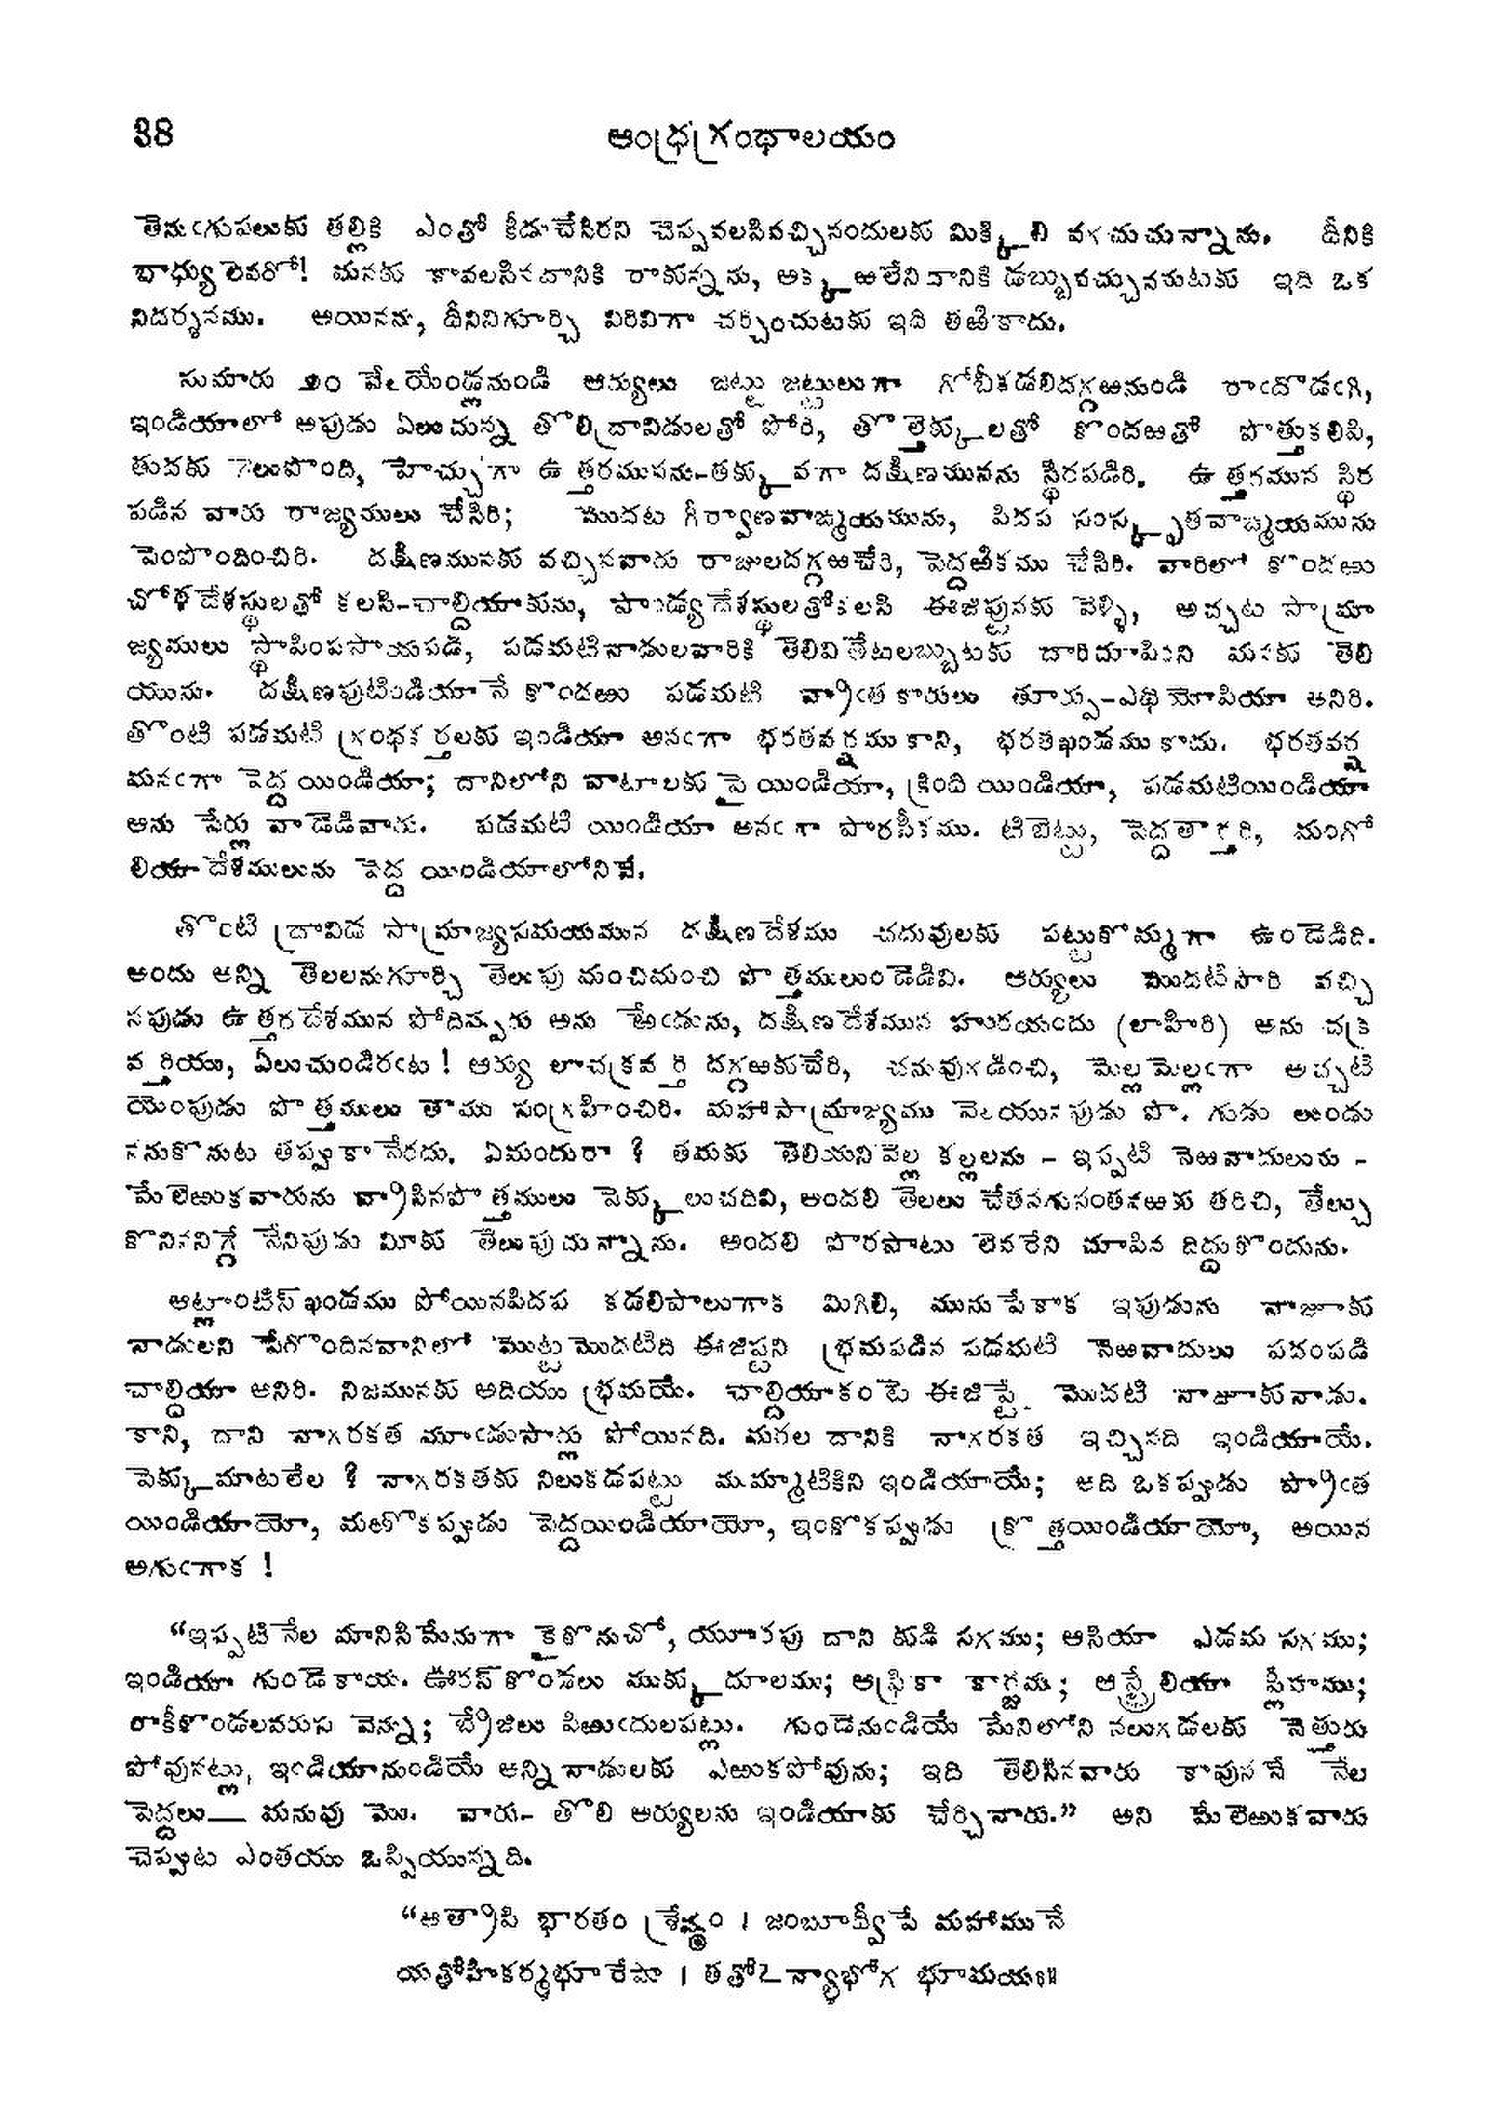తెనుఁగుపలుకు తల్లికి ఎంతో కీడుచేసిరని చెప్పవలసివచ్చినందులకు మిక్కిలి వగచుచున్నాను. దీనికి బాధ్యులెవరో! మనకు కావలసినదానికి రాకున్నను, అక్కఱలేని దానికి డబ్బువచ్చుననుటకు ఇది ఒక విదర్శనము. అయినను, దీనిని గూర్చి విరివిగా చర్చించుటకు ఇది తఱికాదు.

సుమారు ౨౦ వేఁయేండ్లనుండి ఆర్యులు జట్టు జట్టులుగా గోబీకడలిదగ్గఱనుండి రాఁదొడఁగి, ఇండియాలో అపుడు ఏలుచున్న తోలి ద్రావిడులతో పోరి, తొలెక్కులతో కొందఱతో పొత్తుకలిపి, తుదకు గెలుపొంది, హెచ్చుగా ఉత్తరమునను - తక్కువగా దక్షిణమునను స్థిరపడిరి. ఉత్తగమున స్థిరపడిన వారు రాజ్యములు చేసిరి; మొదట గీర్వాణ వాఙ్మయమును, పిదప సంస్కృత వాఙ్మయమును
పెంపొందించిరి. దక్షిణమునకు వచ్చినవారు రాజుల దగ్గఱచేరి, పెద్దఱికము చేసిరి. వారిలో కొందఱు చోళదేశస్థులతో కలసి - చాల్దియాకును, పాండ్యదేశస్థులతో కలసి ఈజిప్టునకు వెళ్ళి, అచ్చట సామ్రాజ్యములు స్థాపింపసాయపడి, పడమటినాడులవారికి 
తెలివితేటలబ్బుటకు దారి చూపిని మనకు తెలియును. దక్షిణపుటిండియానే కొందఱు పడమటి వ్రాఁతకారులు 
తూర్పు-ఎథియోపియా అనిరి. తొంటి పడమటి గ్రంధకర్తలకు ఇండియా అనఁగా భరతవర్షము కాని, భరతఖండము కాదు. 
భరతవర్షమనఁగా పెద్ద యిండియా; దానిలోని వాటాలకు పై యిండియా, క్రింది యిండియా, పడమటియిండియా ఆను పేర్లు 
వాడెడివారు. పడమటి యిండియా అనఁగా పారసీకము. టిబెట్టు, పెద్దతార్తరి, మంగోలియా దేశములును పెద్ద ఇండియా
లోనివే.

తొంటి ద్రావిడ సామ్రాజ్య సమయమున దక్షిణదేశము చదువులకు పట్టుకొమ్మగా ఉండెడిది. అందు అన్ని తెలలనుగూర్చి
తెలుపు మంచి మంచి పొత్తములుండెడివి. ఆర్యులు మొదటి సారి వచ్చినపుడు ఉత్తర దేశమున పోదిషప్పురు అను 
ఱఁడును, దక్షిణదేశమున హురయందు (లాహిరి) అను చక్రవర్తియు, ఏలు చుండిరఁట! ఆర్యులచక్రవర్తి దగ్గఱకుచేరి, 
చనువుగడించి, మెల్లమెల్లఁగా అచ్చటి యెంపుడు పొత్తములు తాము సంగ్రహించిరి. మహాసామ్రాజ్యము వెలయునపుడు 
పొ.గుడు లుండు ననుకొనుట తప్పుకానేరదు. ఏమందురా? తమకు తెలియని వెల్ల కల్లలను - ఇప్పటి నెఱనాదులను 
మేలెఱుకవారును వ్రాపినపొత్తములు పెక్కులుచదివి, అందలి తెలలు చేతనగుసంతవఱకు తరిచి, తేల్చు
కొనిననిగ్గే నేనిపుడు మీకు తెలుపుచున్నాను. అందలి పొరపాటు లెవరేని చూపిన దిద్దుకొందును.

అట్లాంటిస్ ఖండము పోయిన పిదప కడలిపాలుగాక మిగిలి, మునుపేకాక ఇపుడును నాడులని పేరొందినవానిలో 
మొట్టమొదటిది ఈజిప్టని భ్రమపడిన పడమటి నెఱవాదులు పదంపడి చాల్దియా ఆనిరి. నిజమునకు అదియు భ్రమయే.
చాల్దియాకంటే ఈజిప్టే మొదటి నాజూకునాడు. కాని, దాని నాగరకత మూడుసార్లు పోయినది. మరల దానికి నాగరకత 
ఇచ్చినది ఇండియాయే. పెక్కుమాటలేల ? నాగరకతకు నిలుకడపట్టు మమ్మాటికిని ఇండియాయే; అది ఒకప్పుడు
ప్రాఁత యిండియాయో, మరొకప్పుడు పెద్దయిండియాయో, ఇంకొకప్పుడు క్రొత్తయిండియాయో, అయిన అగుఁగాక !

“ఇప్పటి నేల మానినిమేనుగా కైకొనుచో, యూరపు దాని కుడి సగము; ఆసియా ఎడమ సగము; ఇండియా గుండెకాయ. 
యూరోప్ కొండలు ముక్కు దూలము; ఆఫ్రికా కార్జమ; ఆస్ట్రేలియా ప్లీహము; రాకీకొ౦డలవరుసు వెన్ను; బ్రెజిల్ 
పిఱుఁదులపట్లు. గుండెనుండియే మేనిలోని నలుగడలకు నెత్తురు పోవునట్లు, ఇండియానుండియే అన్ని నాడులకు 
ఎఱుకపోవును; ఇది తెలిసినవారు కావుననే నేల పెద్దలు - మనువు మొ.వారు - తొలి ఆర్యులను ఇండియాకు 
చేర్చినారు” అని మేలేఱురుకవారు చెప్పుట ఎంతయు ఒప్పియున్నది.